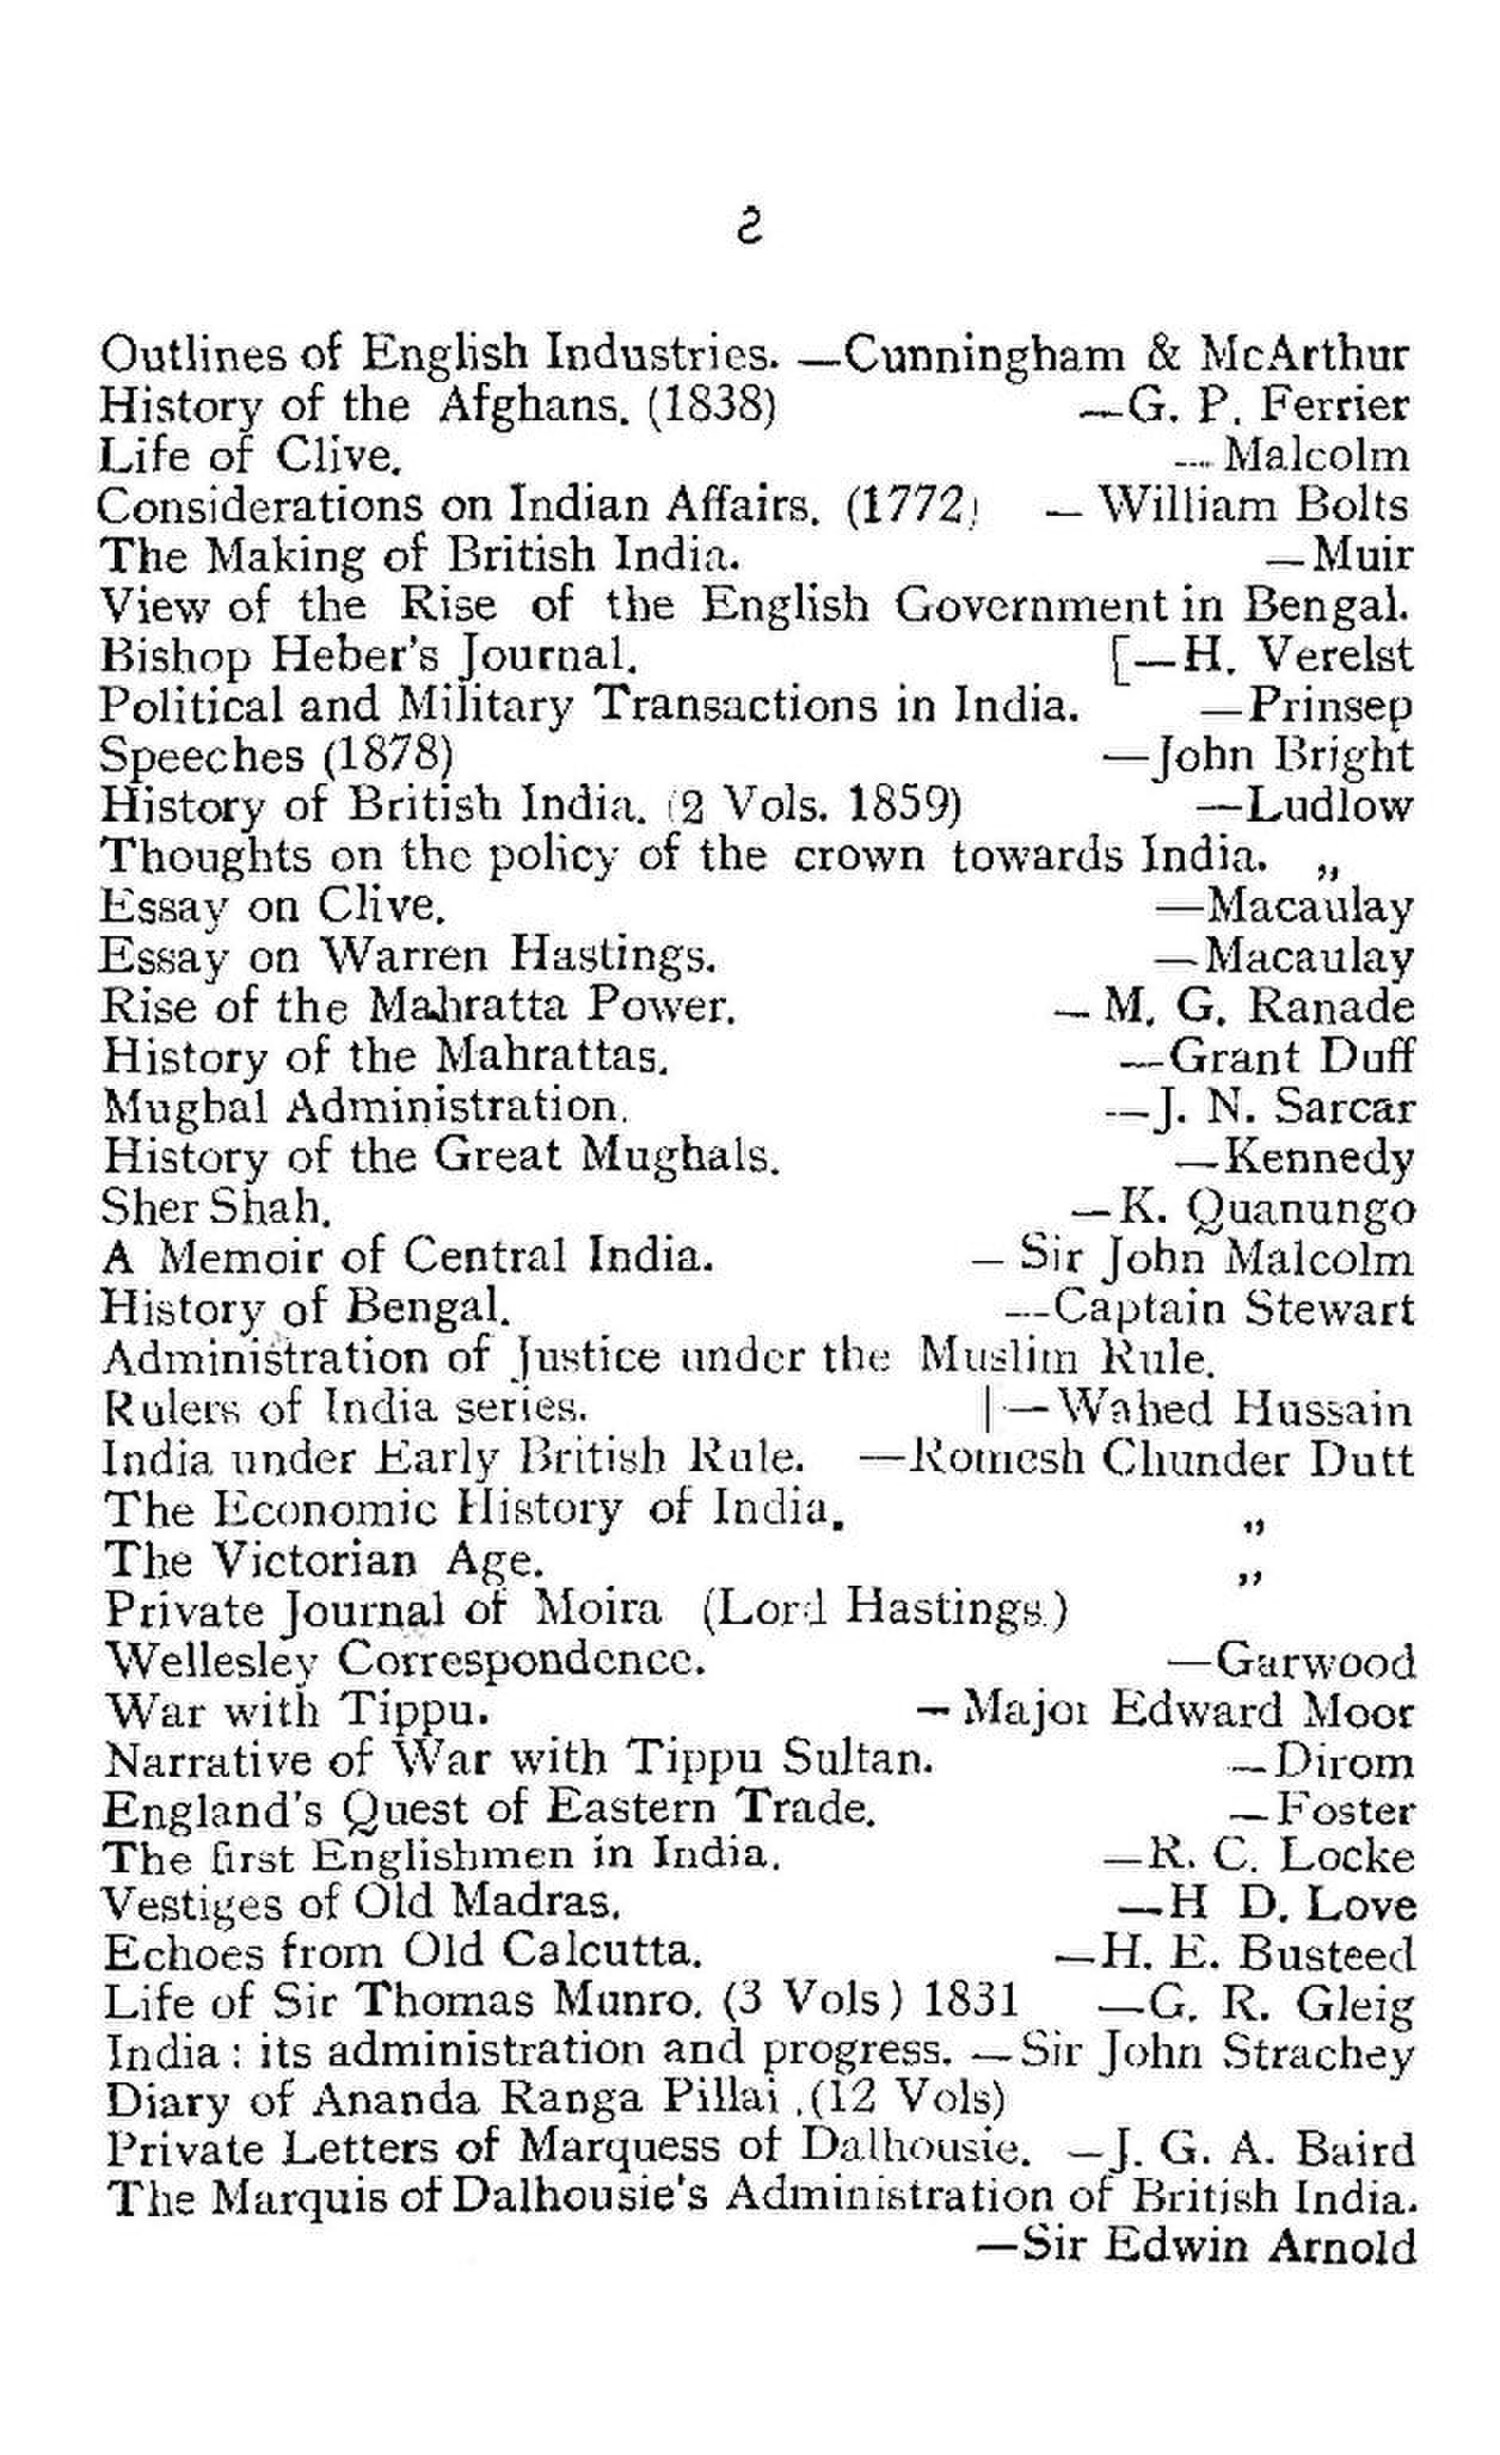Outlines of English Industries. -Cunningham & McArthur 

History of the Afghans. (1838) -G. P. Ferrier 

Life of Clive, -Malcolm 

Considerations on Indian Affairs. (1772) - William Bolts 

The Making of British India. - Muir 

View of the Rise of the English Government in Bengal. Bishop Heber's Journal,
 -[-H, Verelst 

Political and Military Transactions in India. – Prinsep 

Speeches (1878) - John Bright 

History of British India, 2 Vols. 1859) --Ludlow 

Thoughts on the policy of the crown towards India. --Ludlow 

Essay on Clive. -Macaulay 

Essay on Warren Hastings. - Macaulay 

Rise of the Mahratta Power. - M, G, Ranade 

History of the Mahrattas, --Grant Duff 

Mughal Administration. --J. N. Sarcar 

History of the Great Mughals. - Kennedy 

Sher Shah. -K. Quanungo 

A Memoir of Central India. - Sir John Malcolm 

History of Bengal. --Captain Stewart 

Administration of Justice under the Musliın Rule. Rulers of India series. - Wahed Hussain 

India under Early British Rule. --Romcsh Chunder Dutt 

The Economic History of India, "

The Victorian Age. "

Private Journal of Moira (Lord Hastings) "

Wellesley Correspondence. -Garwood 

War with Tippu. - Major Edward Moor 

Narrative of War with Tippu Sultan. -Dirom 

England's Quest of Eastern Trade. -Foster 

The first Englishmen in India. -R. C. Locke 

Vestiges of Old Madras. -HD. Love 

Echoes from Old Calcutta. -H. E. Busteed 

Life of Sir Thomas Munro. (3 Vols) 1831 -GR. Gleig 

India: its administration and progress. -Sir John Strachey 

Diary of Ananda Ranga Pillai .(12 Vols) 

Private Letters of Marquess of Dalhousie. -J. G. A. Baird 

The Marquis of Dalhousie's Administration of British India. -Sir Edwin Arnold